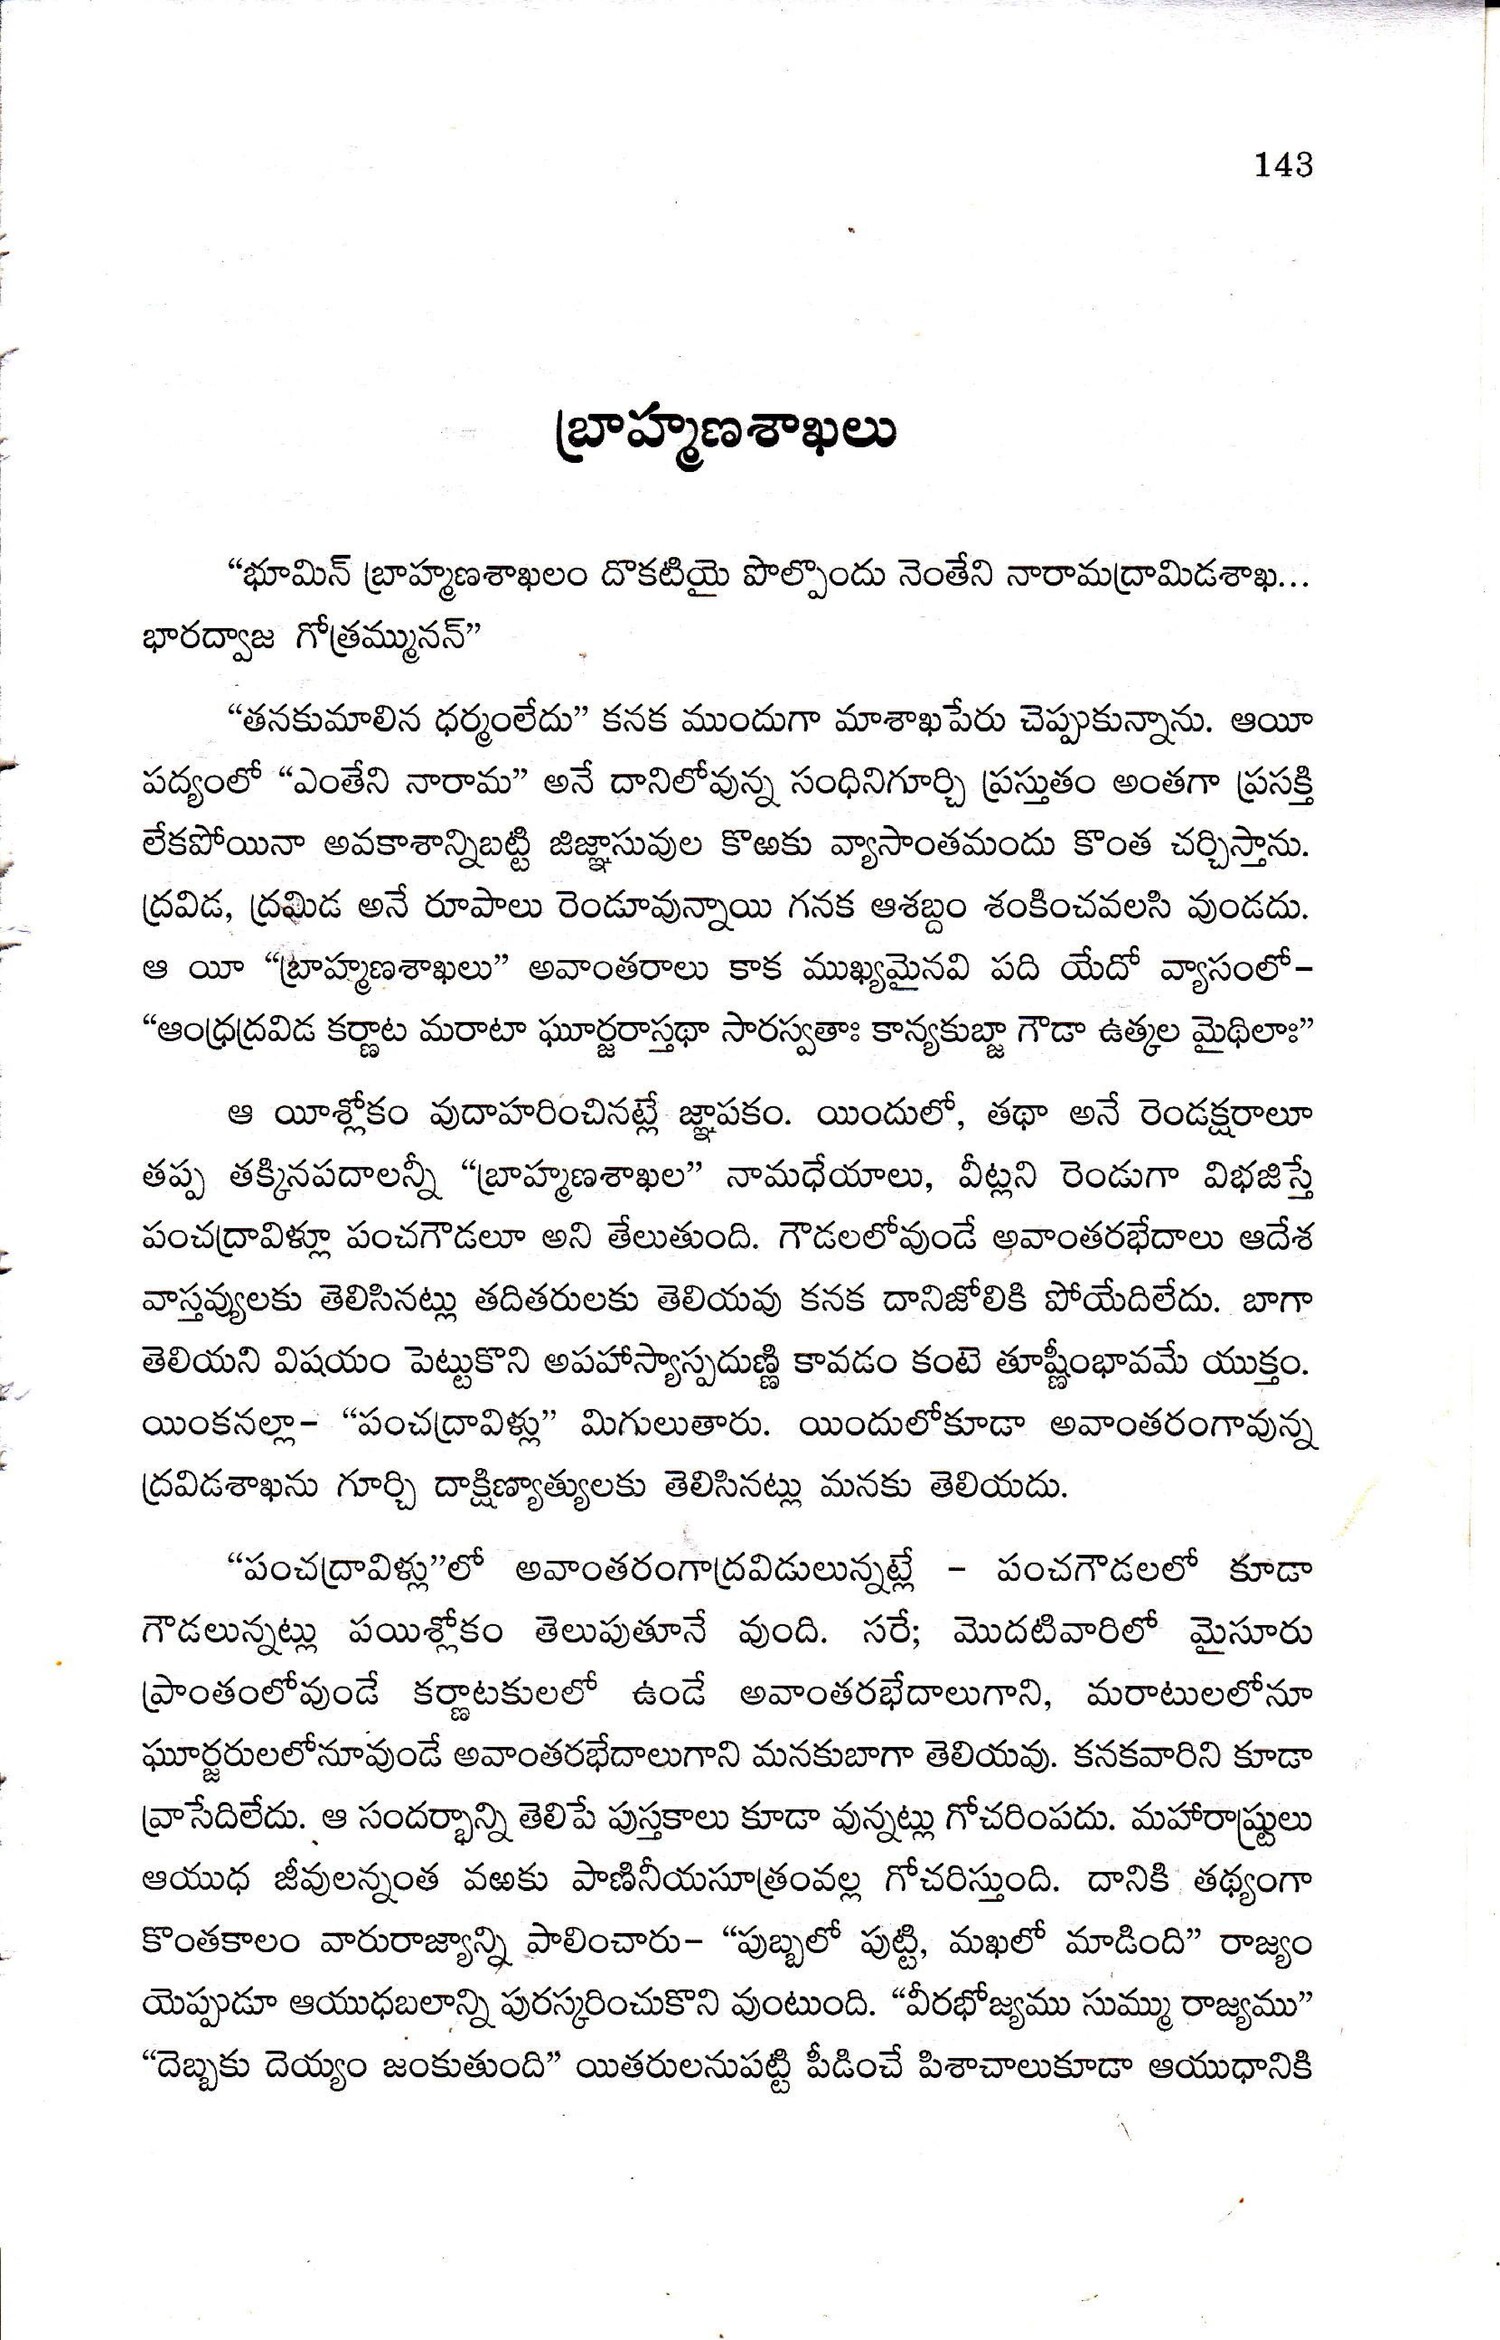"భూమిన్ బ్రాహ్మణశాఖలం దొకటియై పొల్పొందు నెంతేని నారామద్రామిడశాఖ. భారద్వాజ గోత్రమ్మునన్"

"తనకుమాలిన ధర్మంలేదు" కనక ముందుగా మాశాఖపేరు చెప్పుకున్నాను. ఆయీ పద్యంలో “ఎంతేని నారామ" అనే దానిలోవున్న సంధినిగూర్చి ప్రస్తుతం అంతగా ప్రసక్తి లేకపోయినా అవకాశాన్నిబట్టి జిజ్ఞాసువుల కొఱకు వ్యాసాంతమందు కొంత చర్చిస్తాను. ద్రవిడ, ద్రమిడ అనే రూపాలు రెండూవున్నాయి గనక ఆశబ్దం శంకించవలసి వుండదు. ఆ యీ "బ్రాహ్మణశాఖలు” అవాంతరాలు కాక ముఖ్యమైనవి పది యేదో వ్యాసంలో"ఆంధ్రద్రవిడ కర్ణాట మరాటా ఘూర్జరాస్తథా సారస్వతాః కాన్యకుబ్జా గౌడా ఉత్కల మైథిలాః"

ఆ యీశ్లోకం వుదాహరించినట్లే జ్ఞాపకం. యిందులో, తథా అనే రెండక్షరాలూ తప్ప తక్కినపదాలన్నీ “బ్రాహ్మణశాఖల” నామధేయాలు, వీట్లని రెండుగా విభజిస్తే పంచద్రావిళ్లూ పంచగౌడలూ అని తేలుతుంది. గౌడలలోవుండే అవాంతరభేదాలు ఆదేశ వాస్తవ్యులకు తెలిసినట్లు తదితరులకు తెలియవు కనక దానిజోలికి పోయేదిలేదు. బాగా తెలియని విషయం పెట్టుకొని అపహాస్యాస్పదుణ్ణి కావడం కంటె తూష్ణీంభావమే యుక్తం. యింకనల్లా- “పంచద్రావిళ్లు" మిగులుతారు. యిందులోకూడా అవాంతరంగావున్న ద్రవిడశాఖను గూర్చి దాక్షిణ్యాత్యులకు తెలిసినట్లు మనకు తెలియదు. -

"పంచద్రావిళ్లు"లో అవాంతరంగా ద్రవిడులున్నట్లే - పంచగౌడలలో కూడా గౌడలున్నట్లు పయిశ్లోకం తెలుపుతూనే వుంది. సరే; మొదటివారిలో మైసూరు ప్రాంతంలోవుండే కర్ణాటకులలో ఉండే అవాంతరభేదాలుగాని, మరాటులలోనూ ఘూర్జరులలోనూవుండే అవాంతరభేదాలుగాని మనకుబాగా తెలియవు. కనకవారిని కూడా వ్రాసేదిలేదు.ఆ సందర్భాన్ని తెలిపే పుస్తకాలు కూడా వున్నట్లు గోచరింపదు. మహారాష్ట్రులు ఆయుధ జీవులన్నంత వఱకు పాణినీయసూత్రంవల్ల గోచరిస్తుంది. దానికి తథ్యంగా కొంతకాలం వారురాజ్యాన్ని పాలించారు- “పుబ్బలో పుట్టి, మఖలో మాడింది” రాజ్యం యెప్పడూ ఆయుధబలాన్ని పురస్కరించుకొని వుంటుంది. "వీరభోజ్యము సుమ్ము రాజ్యము" "దెబ్బకు దెయ్యం జంకుతుంది" యితరులనుపట్టి పీడించే పిశాచాలుకూడా ఆయుధానికి